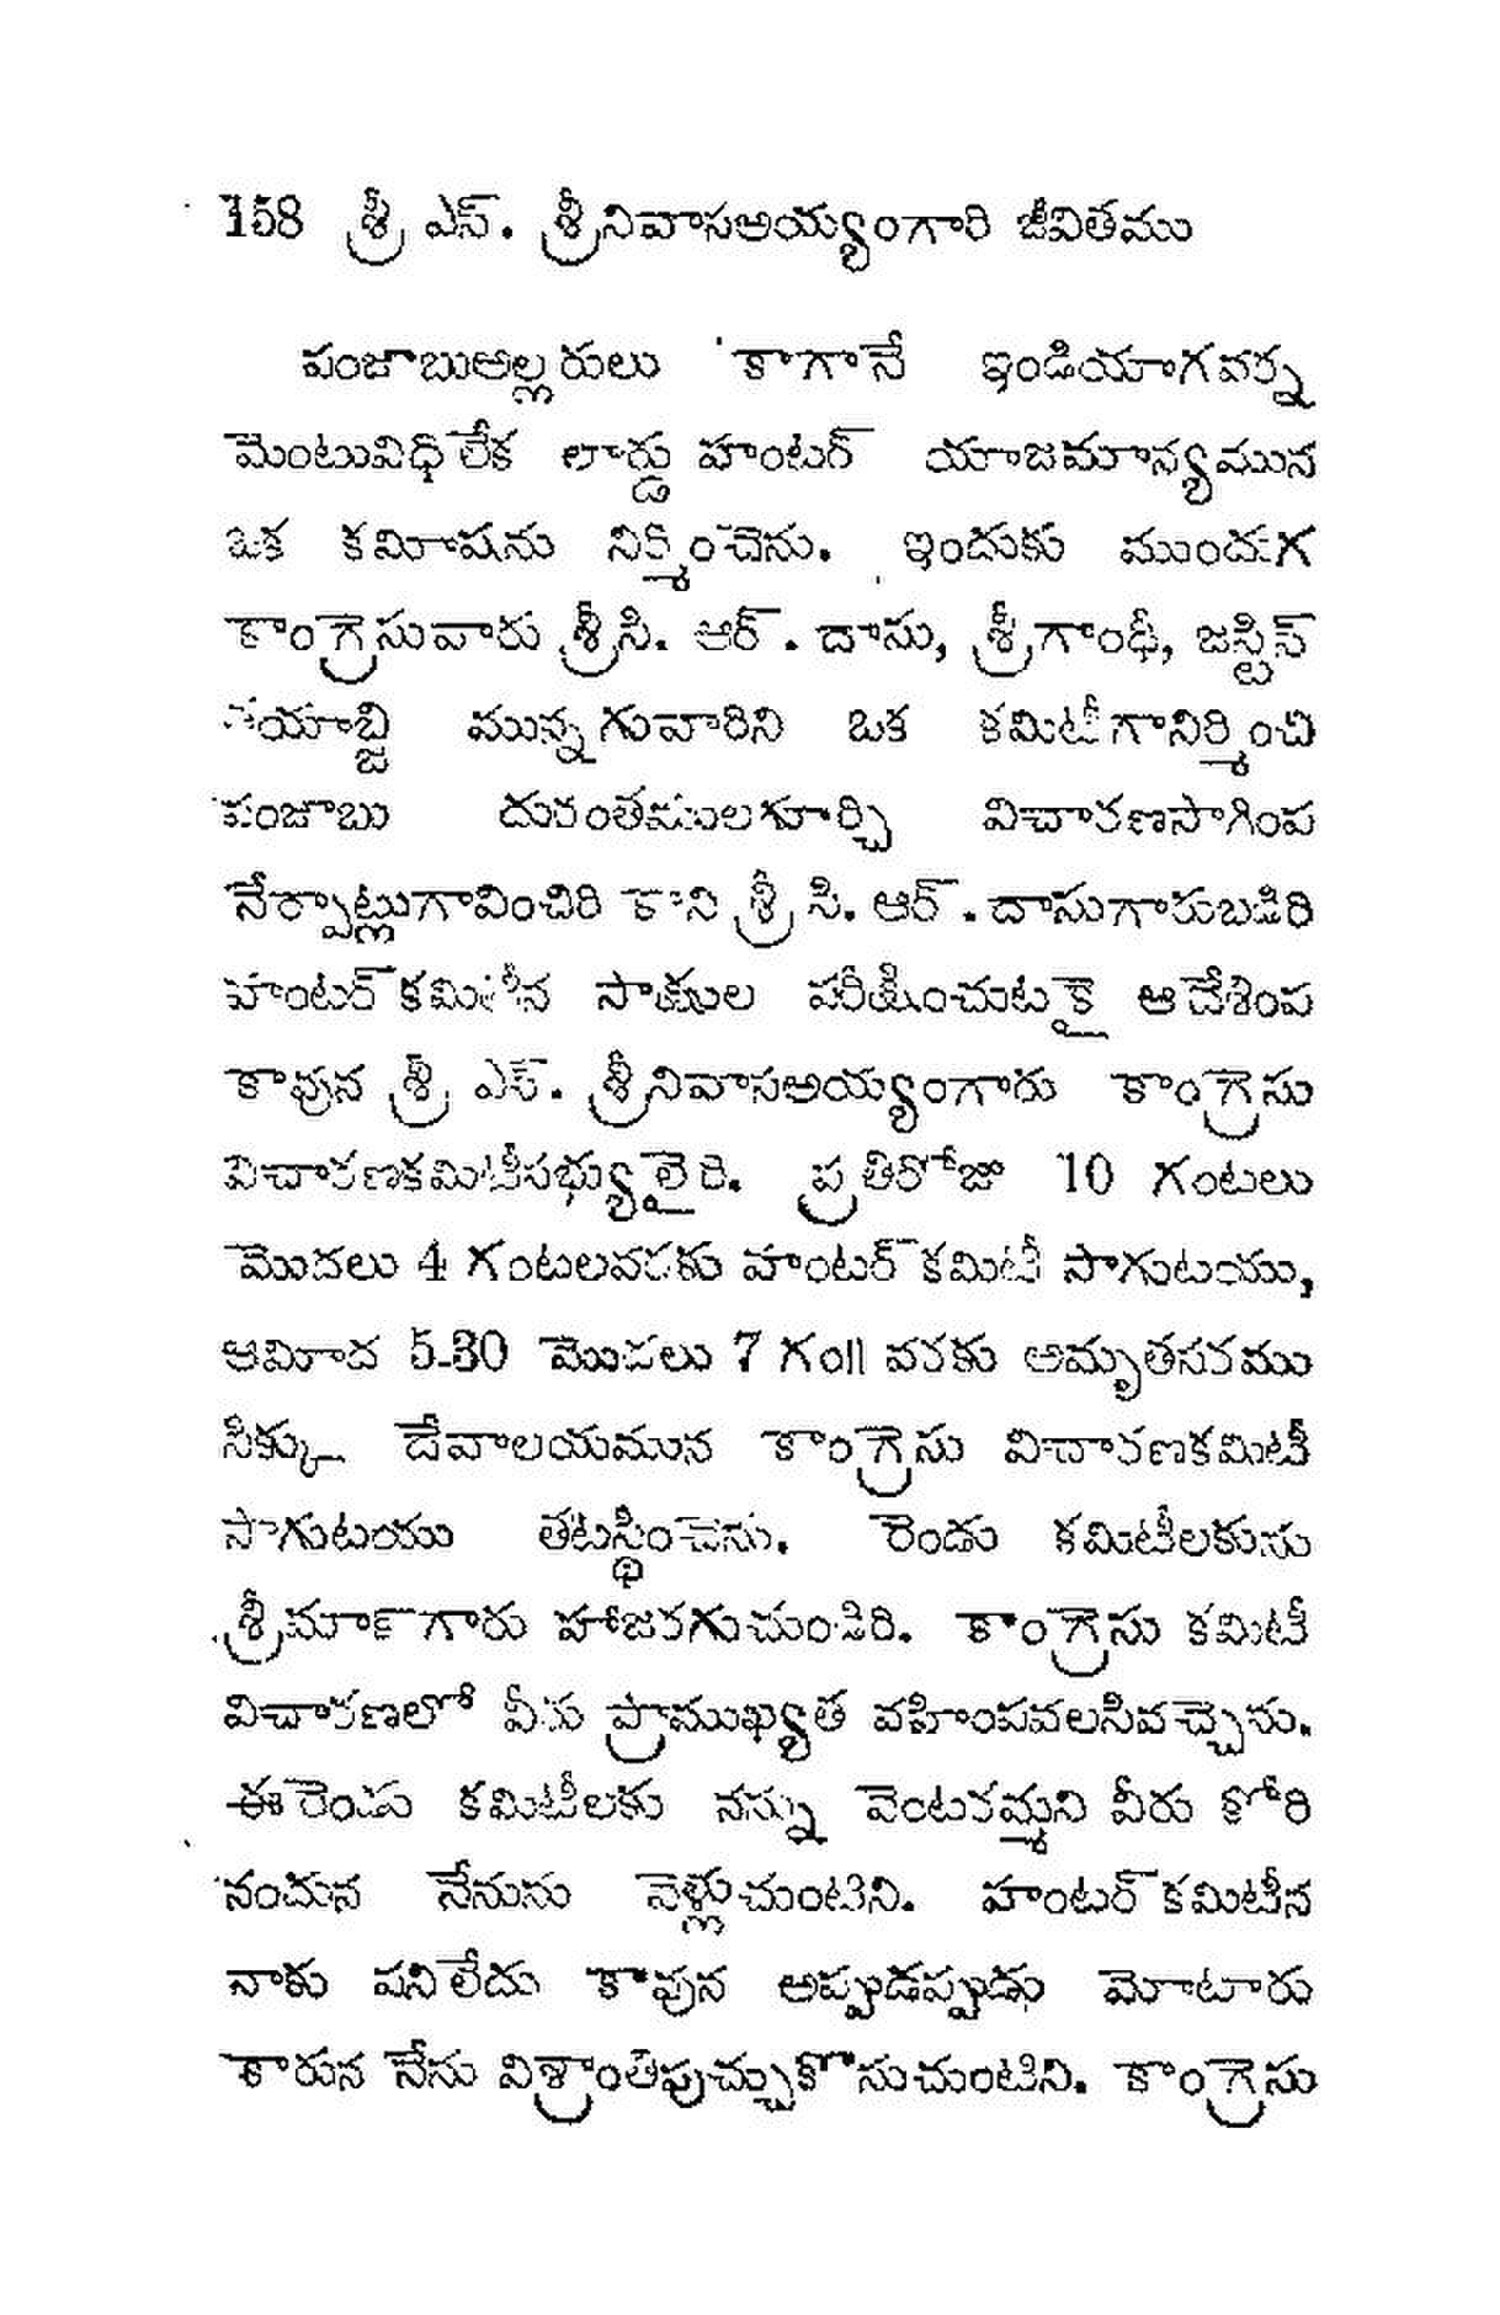పంజాబుఅల్లరులు కాగానే ఇండియాగవర్నమెంటువిధిలేక లార్డు హంటర్ యాజమాన్యమున ఒక కమీషను నిర్మించెను. ఇందుకు ముందుగ కాంగ్రెసువారు శ్రీ సి. ఆర్. దాసు, శ్రీగాంధీ, జస్టిస్ తయాబ్జి మున్నగువారిని ఒక కమిటీగానిర్మించి పంజూబు దురంతముులగూర్చి విచారణసాగింప నేర్పాట్లుగావించిరి కాని శ్రీ సి. ఆర్. దాసుగారు బడిరి హంటర్ కమిటీన సాక్షుల పరీక్షించుటకై ఆదేశింప కావున శ్రీ ఎస్. శ్రీనివాసఅయ్యంగారు కాంగ్రెసు విచారణకమిటీసభ్యులైరి. ప్రతిరోజు 10 గంటలు
మొదలు 4 గంటలవరకు హంటర్ కమిటీ సాగుటయు, ఆమీద 5.30 మొదలు 7 గం!! వరకు అమృతసరము సిక్కు దేవాలయమున కాంగ్రెసు విచారణకమిటీ సాగుటయు తటస్థించెను. రెండు కమిటీలకును శ్రీమా౯గారు హాజరగుచుండిరి. కాంగ్రెసు కమిటీ విచారణలో వీరు ప్రాముఖ్యత వహింపవలసివచ్చెను. ఈరెండు కమిటీలకు నన్ను వెంటరమ్మని వీరు కోరినందున నేనును వెళ్లుచుంటిని. హంటర్ కమిటీన నాకు పనిలేదు కావున అప్పుడప్పుడు మోటారు కారున నేను విశ్రాంతిపుచ్చుకొనుచుంటిని. కాంగ్రెసు